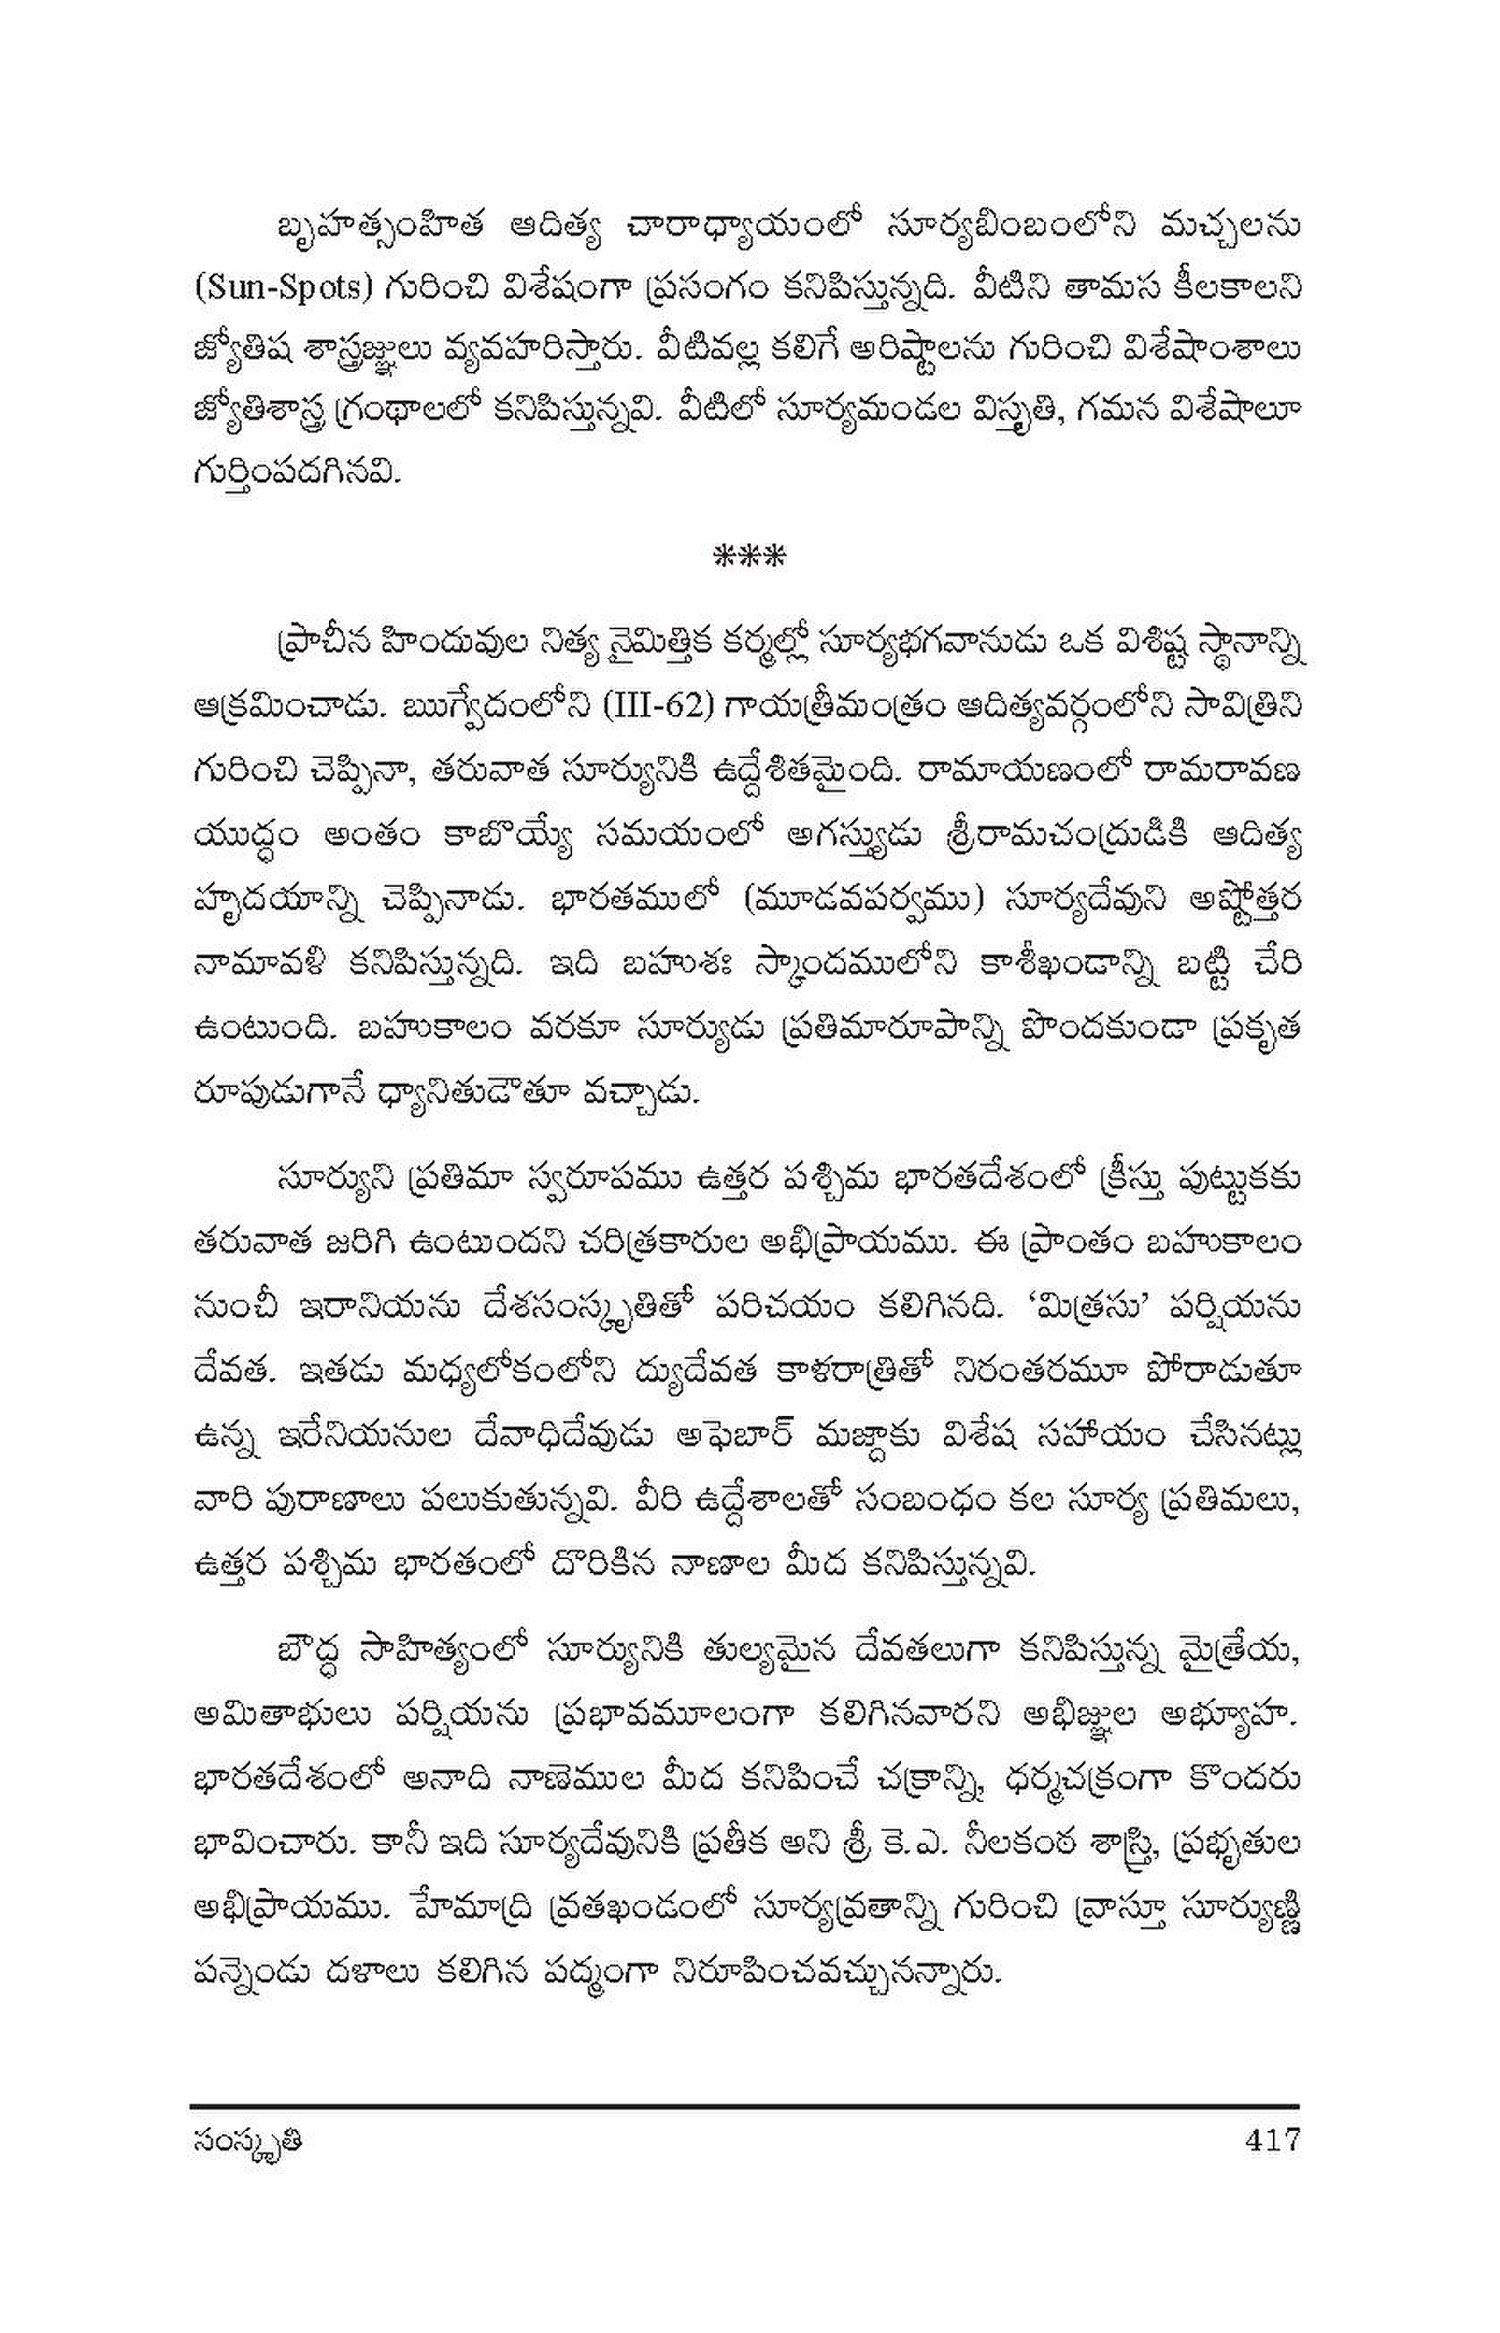బృహత్సంహిత ఆదిత్య చారాధ్యాయంలో సూర్యబింబంలోని మచ్చలను
(Sun-Spots) గురించి విశేషంగా ప్రసంగం కనిపిస్తున్నది. వీటిని తామస కీలకాలని
జ్యోతిష శాస్త్రజ్ఞులు వ్యవహరిస్తారు. వీటివల్ల కలిగే అరిష్టాలను గురించి విశేషాంశాలు
జ్యోతిశాస్త్ర గ్రంథాలలో కనిపిస్తున్నవి. వీటిలో సూర్యమండల విస్తృతి, గమన విశేషాలూ
గుర్తింపదగినవి.

ప్రాచీన హిందువుల నిత్య నైమిత్తిక కర్మల్లో సూర్యభగవానుడు ఒక విశిష్ట స్థానాన్ని
ఆక్రమించాడు. ఋగ్వేదంలోని (III-62) గాయత్రీమంత్రం ఆదిత్యవర్గంలోని సావిత్రిని
గురించి చెప్పినా, తరువాత సూర్యునికి ఉద్దేశితమైంది. రామాయణంలో రామరావణ
యుద్ధం అంతం కాబొయ్యే సమయంలో అగస్త్యుడు శ్రీరామచంద్రుడికి ఆదిత్య
హృదయాన్ని చెప్పినాడు. భారతములో (మూడవపర్వము) సూర్యదేవుని అష్టోత్తర
నామావళి కనిపిస్తున్నది. ఇది బహుశః స్కాందములోని కాశీఖండాన్ని బట్టి చేరి
ఉంటుంది. బహుకాలం వరకూ సూర్యుడు ప్రతిమారూపాన్ని పొందకుండా ప్రకృత
రూపుడుగానే ధ్యానితుడౌతూ వచ్చాడు.
సూర్యుని ప్రతిమా స్వరూపము ఉత్తర పశ్చిమ భారతదేశంలో క్రీస్తు పుట్టుకకు
తరువాత జరిగి ఉంటుందని చరిత్రకారుల అభిప్రాయము. ఈ ప్రాంతం బహుకాలం
నుంచీ ఇరానియను దేశసంస్కృతితో పరిచయం కలిగినది. 'మిత్రసు' పర్షియను
దేవత. ఇతడు మధ్యలోకంలోని ద్యుదేవత కాళరాత్రితో నిరంతరమూ పోరాడుతూ
ఉన్న ఇరేనియనుల దేవాధిదేవుడు అఫెబార్ మజ్దాకు విశేష సహాయం చేసినట్లు
వారి పురాణాలు పలుకుతున్నవి. వీరి ఉద్దేశాలతో సంబంధం కల సూర్య ప్రతిమలు,
ఉత్తర పశ్చిమ భారతంలో దొరికిన నాణాల మీద కనిపిస్తున్నవి.
బౌద్ధ సాహిత్యంలో సూర్యునికి తుల్యమైన దేవతలుగా కనిపిస్తున్న మైత్రేయ,
అమితాభులు పర్షియను ప్రభావమూలంగా కలిగినవారని అభిజ్ఞుల అభ్యూహ.
భారతదేశంలో అనాది నాణెముల మీద కనిపించే చక్రాన్ని, ధర్మచక్రంగా కొందరు
భావించారు. కానీ ఇది సూర్యదేవునికి ప్రతీక అని శ్రీ కె.ఎ. నీలకంఠ శాస్త్రి, ప్రభృతుల
అభిప్రాయము. హేమాద్రి వ్రతఖండంలో సూర్యవ్రతాన్ని గురించి వ్రాస్తూ సూర్యుణ్ణి
పన్నెండు దళాలు కలిగిన పద్మంగా నిరూపించవచ్చునన్నారు.